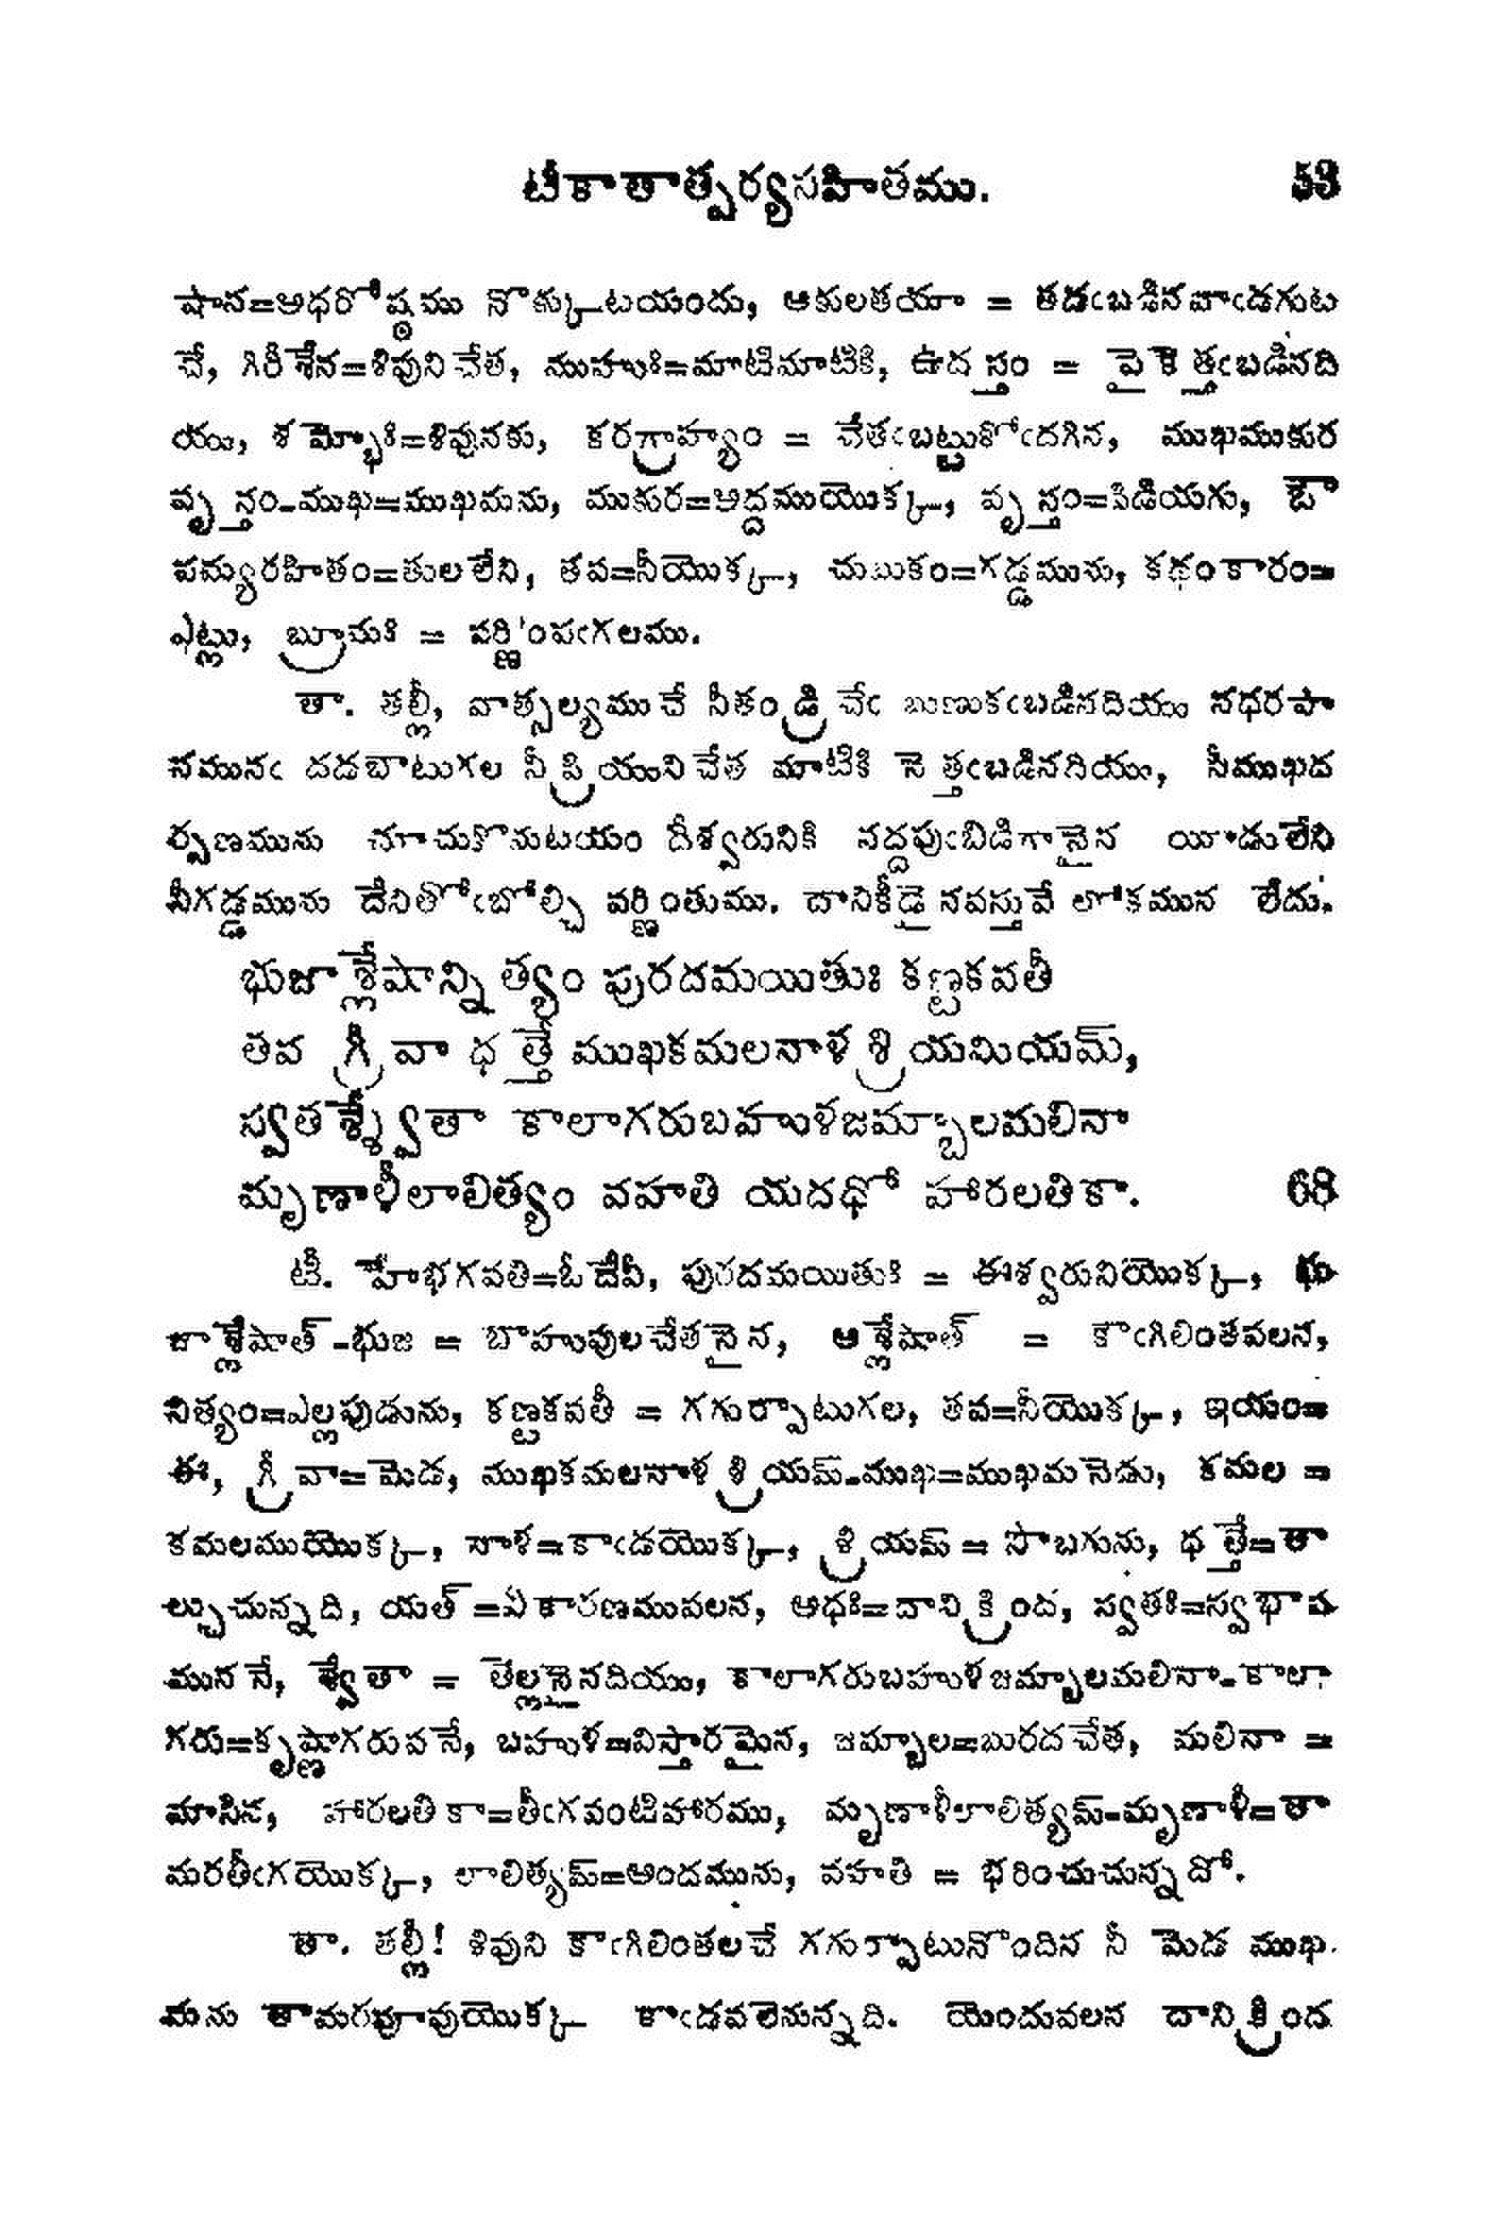పాన = అధరోష్ఠము నొక్కుటయందు, ఆకులతయా = తడఁబడినవాఁడగుటచే, గిరీశేన = శివునిచేత, ముహుః = మాటిమాటికి, ఉదస్తం = పైకెత్తఁబడినదియు, శమ్భోః = శివునకు, కరగ్రాహ్యం = చేతఁబట్టుకోఁదగిన, ముఖముకురవృన్తం-ముఖ = ముఖమను, ముకుర = అద్దముయొక్క, వృన్తం = పిడియగు, ఔపమ్యరహితం = తులలేని, తవ = నీయొక్క, చుబుకం = గడ్డమును, కథంకారం = ఎట్లు, బ్రూమః = వర్ణింపఁగలము.

తా. తల్లీ, వాత్సల్యముచే నీతండ్రిచేఁ బుణుకఁబడినదియు, నధరపానమునఁ దడబాటుగల నీప్రియునిచేత మాటికి నెత్తఁబడినదియు, నీముఖదర్పణమును చూచుకొనుటయం దీశ్వరునికి నద్దపుఁబిడిగానైన యీడులేని నీగడ్డమును దేనితోఁబోల్చి వర్ణింతుము. దానికీడైనవస్తువే లోకమున లేదు.

భుజాశ్లేషాన్నిత్యం పురదమయితుః కణ్టకవతీ
తవ గ్రీవా ధత్తే ముఖకమలనాళశ్రియమియమ్,
స్వతశ్శ్వేతా కాలాగరుబహుళజమ్బాలమలినా
మృణాళీలాలిత్యం వహతి యదధో హారలతికా. 68
టీ. హేభగవతి = ఓదేవీ, పురదమయితుః = ఈశ్వరునియొక్క, భుజాశ్లేషాత్-భుజ = బాహువులచేతనైన, అశ్లేషాత్ = కౌఁగిలింతవలన, నిత్యం = ఎల్లపుడును, కణ్టకవతీ = గగుర్పాటుగల, తవ = నీయొక్క, ఇయం = ఈ, గ్రీవా = మెడ, ముఖకమలనాళశ్రియమ్-ముఖ = ముఖమనెడు, కమల = కమలముయొక్క, నాళ = కాఁడయొక్క, శ్రియమ్ = సొబగును, ధత్తే = తాల్చుచున్నది, యత్ = ఏకారణమువలన, అధః = దానిక్రింద, స్వతః = స్వభావముననే, శ్వేతా = తెల్లనైనదియు, కాలాగరుబహుళజమ్బాలమలినా-కాలాగరు = కృష్ణాగరువనే, బహుళ = విస్తారమైన, జమ్బాల = బురదచేత, మలినా = మాసిన, హారలతికా = తీఁగవంటిహారము, మృణాళీలాలిత్యమ్-మృణాళీ = తామరతీఁగయొక్క, లాలిత్యమ్ = అందమును, వహతి = భరించుచున్నదో.

తా. తల్లీ! శివుని కౌఁగిలింతలచే గగుర్పాటునొందిన నీ మెడ ముఖమను తామరపూవుయొక్క కాఁడవలెనున్నది. యెందువలన దానిక్రింద